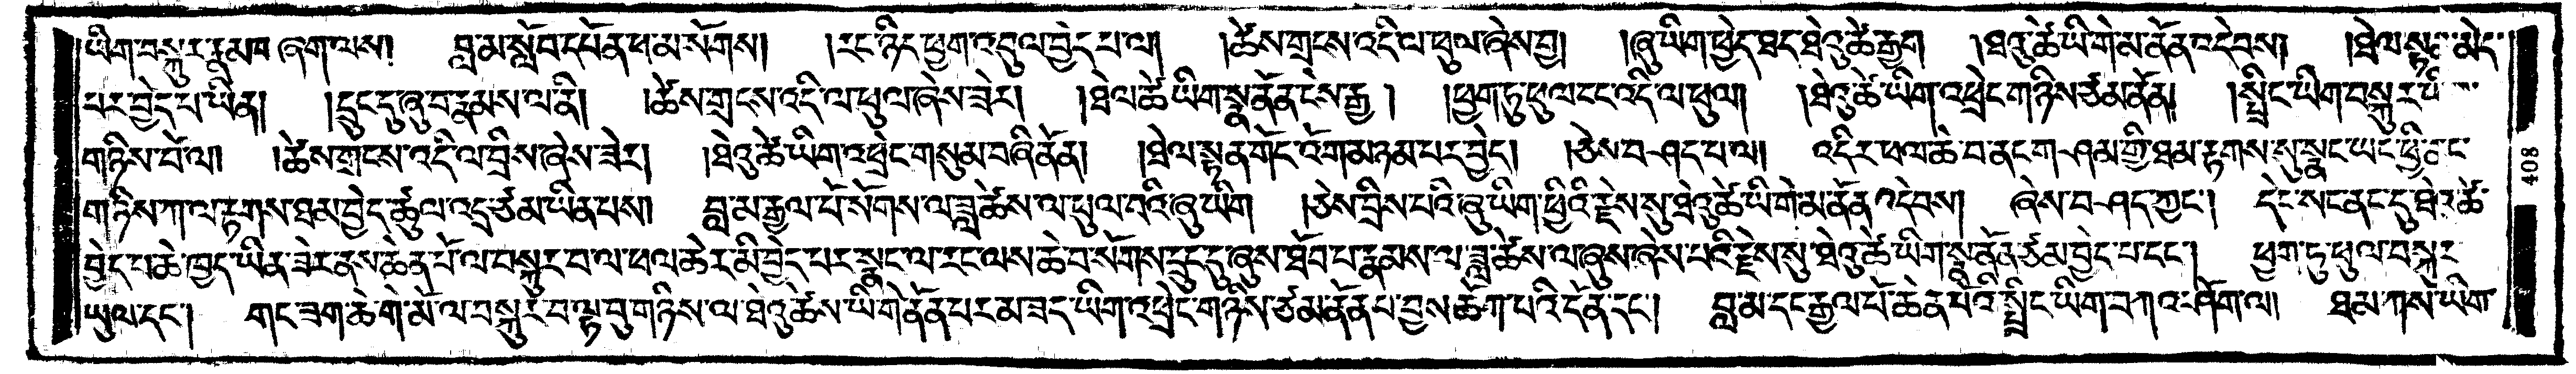ཡིག་བསྐུར་རྣམ་བཞག་ལས། བླ་མ་སློབ་དཔོན་ཕ་མ་སོགས། །རང་ཉིད་ཕྱག་འབུལ་བྱེད་ལ། །ཚེས་གྲངས་འདི་ལ་ཕུལ་ཞེས་བྱ། །ཞུ་ཡིག་ཕྱེད་ཐད་ཐེའུ་ཚེ་རྒྱག །ཐའུ་ཚེ་ཡི་གེ་མ་ནོན་འདེབས། །ཐེལ་སྟཿ?་མེད་
པར་བྱེད་པ་ཡིན། །དྲུང་དུ་ཞུབ་རྣམས་ལ་ནི། །ཚེས་གྲངས་འདི་ལ་ཕུལ་ཞེས་ཟེར། །ཐེལ་ཚེ་ཡིག་སྣ་ནོན་ངེས་རྒྱ། །ཕྱག་ཏུ་ཕུལ་ངང་འདི་ལ་ཕུལ། །ཐེའུ་ཚེ་ཡིག་འཕྲེང་གཉིས་ཙམ་ནོན། །སྤྲིང་ཡིག་བསྐུར་པ་
གཉིས་པོ་ལ། །ཚེས་གྲངས་འདི་ལ་བྲིས་ཞེས་ཟེར། །ཐེའུ་ཚེ་ཡིག་འཕྲེང་གསུམ་བཞི་ནོན། །ཐེལ་སྟན་གོང་འོག་མཉམ་པར་བྱེད། །ཅེས་བཤད་པ། འདིར་ཕལ་ཆེ་བ་ནང་གཤམ་གྱི་ཐམ་རྟགས་སུ་སྣང་ཡང་ཕྱི་ནང་
གཉིས་ཀ་ལ་རྟགས་ཐམ་བྱེད་ཚུལ་འདྲ་ཙམ་ཡིན་པས། བླ་མ་རྒྱལ་པོ་སོགས་ལ་ཟླ་ཚེས་ལ་ཕུལ་བའི་ཞུ་ཡིག །ཅེས་བྲིས་པའི་ཞུ་ཡིག་ཕྱིའི་རྗེས་སུ་ཐེའུ་ཚེ་ཡི་གེ་མ་ནོན་འདེབས། ཞེས་བཤད་ཀྱང་། དེང་སང་ནང་དུ་ཐེ་འཚེ་
བྱེད་པ་ཆེ་ཁྱད་ཡིན་ཟེར་ནས་ཆེན་པོ་ལ་བསྐུར་བ་ལ་ཕལ་ཆེར་མི་བྱེད་པར་སྣང་ལ་རང་ལས་ཆེ་བ་སོགས་དྲུང་དུ་ཞུས་ཐོབ་པ་རྣམས་ལ་ཟླ་ཚེས་ཞུས་ཞེས་པའི་རྗེས་སུ་ཐེའུ་ཚེ་ཡིག་སྣ་ནོན་ཙམ་བྱེད་པ་དང་། ཕྱག་ཏུ་ཕུལ་བསྐུར་
ཡུལ་དང་། གང་ཟག་ཆེ་གེ་མོ་ལ་བསྐུར་བལྟ་བུ་གཉིས་ལ་ཐེའུ་ཚེས་ཡི་གེ་ནོན་པར་མ་ཟད་ཡིག་འཕྲེང་གཉིས་ཙམ་ནོན་པ་བྱས་ཆོག་པའི་དོན་དང་། བླ་མ་དང་རྒྱལ་པོ་ཆེན་པོའི་སྤྲིང་ཡིག་བཀའ་ཤོག་ལ། ཐམ་ཀས་ཡིག་